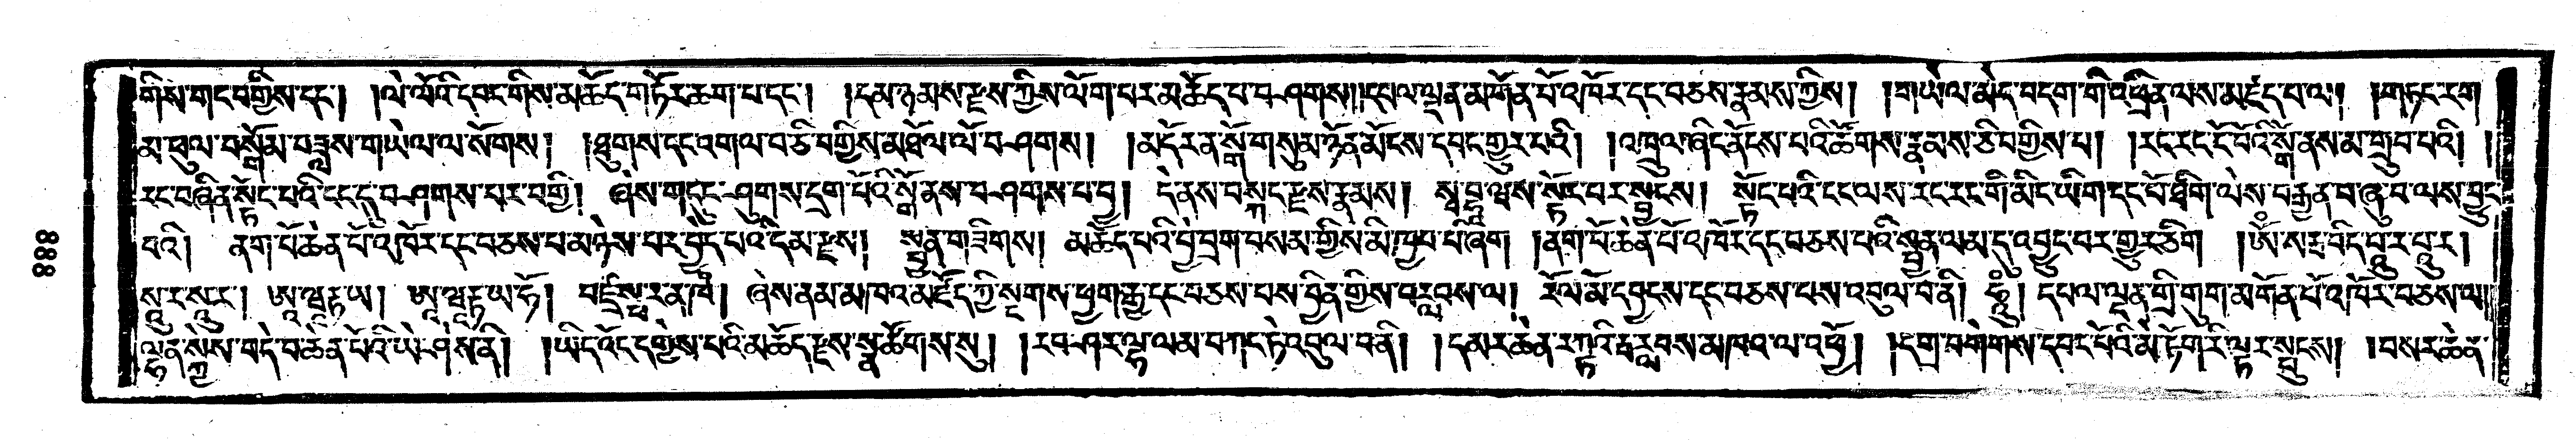གིས་གང་བགྱིས་དང་། །ལེ་ལོའི་དབང་གིས་མཆོད་གཏོར་ཆག་པ་དང་། །དམ་ཉམས་རྫས་ཀྱིས་ལོག་པར་མཆོད་པ་བཤགས། །དཔལ་ལྡན་མགོན་པོ་འཁོར་དང་བཅས་རྣམས་ཀྱིས། །གཡེལ་མེད་བདག་གི་འཕྲིན་ལས་མཛད་པ་ལ། །གཏང་རག་
མ་ཕུལ་བསྒོམ་བཟླས་གཡེལ་ལ་སོགས། །ཐུགས་དང་འགལ་བ་ཅི་བགྱིས་མཐོལ་ལོ་བཤགས། །མདོར་ན་སྒོ་གསུམ་ཉོན་མོངས་དབང་གྱུར་པའི། །འཁྲུལ་ཞིང་ནོངས་པའི་ཚོགས་རྣམས་ཅི་བགྱིས་པ། །རང་རང་ངོ་བོའི་སྒོ་ནས་མ་གྲུབ་པའི། །
རང་བཞིན་སྟོང་པའི་ངག་དུབ་ཤགས་པར་བགྱི། །ཞེས་གདུང་ཤུགས་དྲག་པོའི་སྒོ་ནས་བཤགས་པ་བྱ།།དེ་ནས་བསྐང་རྫས་རྣམས། སྭ་བྷཱ་ཝ་སྟོང་པར་སྦྱངས།།སྟོང་པའི་ངག་ལས་རང་རང་གི་མིང་ཡིག་དང་པོ་ཐིག་ལེས་བརྒྱན་བ་ཞུ་བ་ལས་བྱུང་
བའི། ནག་པོ་ཆེན་པོ་འཁོར་དང་བཅས་པ་མཉེས་པར་བྱེད་པའི་དམ་རྫས། སྤྱན་གཟིགས།།མཆོད་པའི་བྱེ་བྲག་བསམ་གྱིས་མི་ཁྱབ་པ་ཞིག །ནག་པོ་ཆེན་པོ་འཁོར་དང་བཅས་པའི་སྤྱན་ལམ་དུ་འབྱུང་བར་གྱུར་ཅིག །ཨོཾ་སརྦ་བིད་པཱུ་ར་པཱུ་ར།
སཱུ་ར་སཱུ་ར། ཨཱ་ཝཱརྟ་ཡ། ཨཱ་ཝཱརྟ་ཡ་ཧོ། བཛྲ་སྥ་ར་ན་ཁཾ། ཞེས་ནམ་མཁའ་མཛོད་ཀྱི་སྔགས་ཕྱག་རྒྱ་དང་བཅས་པས་བྱིན་གྱིས་བརླབས་ལ། རོལ་མོ་དབྱངས་དང་བཅས་པས་འབུལ་བ་ནི། ཧཱུཾ། དཔལ་ལྡན་གྲི་གུག་མགོན་པོ་འཁོར་བཅས་ལ།།
ལྷན་སྐྱེས་བདེ་བ་ཆེན་པོའི་ཡེ་ཤེས་ནི། །ཡིད་འོང་དགྱེས་པའི་མཆོད་རྫས་སྣ་ཚོགས་སུ། །རབ་ཤར་ལྷ་ལམ་བཀང་ཏེ་འབུལ་བ་ནི། །དམར་ཆེན་རཀྟའི་རྦ་རླབས་མཁའ་ལ་འཕྱོ། །དགྲ་བགེགས་དབང་པོའི་མེ་ཏོག་རི་ལྟར་སྤུངས། །སྦར་ཆེན་